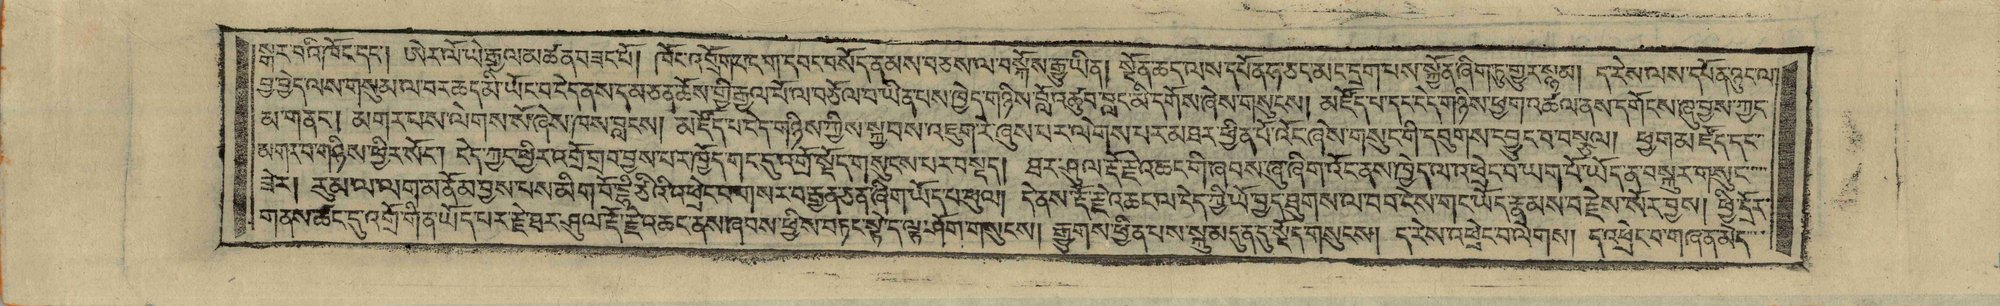སྒར་བའི་ཁོང་དང་། ཨེར་ལོ་ཡེ་རྒྱལ་མཚན་བཟང་པོ། ཁོང་འབྲོག་པ་ངག་དབང་བསོད་ནམས་བཅས་ལ་བསྐོས་རྒྱུ་ཡིན། སྔོན་ཆད་ལས་དཔོན་ཧ་ཅང་མང་དྲག་པས་སྐྱོན་ཞིག་ཏུ་གྱུར་སྙམ། ད་རེས་ལས་དཔོན་ཉུང་ལ་
བྱ་བྱེད་ལས་གསུམ་ལ་བར་ཆད་མི་ཡོང་བ་ངེད་ནས་དམ་ཅན་ཆོས་ཀྱི་རྒྱལ་པོ་ལ་བཅོལ་བ་ཡིན་པས་ཁྱེད་གཉིས་བློ་འཚུབ་བླང་མི་དགོས་ཞེས་གསུངས། མཛོད་པ་དང་ངེད་གཉིས་ཕྱག་འཚལ་ནས་དགོངས་ཞུ་བྱས་ཀྱང་
མ་གནང་། མགར་པས་ལེགས་སོ་ཞེས་ཁས་བླངས། མཛོད་པ་ངེད་གཉིས་ཀྱིས་སྐྱབས་འཇུག་རེ་ཞུས་པར་ལེགས་པར་མཐར་ཕྱིན་པོ་འོང་ཞེས་གསུང་གི་དབུགས་དབྱུང་བ་བསྩལ། ཕྱག་མཛོད་དང་
མགར་བ་གཉིས་ཕྱིར་སོང་། ངེད་ཀྱང་ཕྱིར་འགྲོ་གྲབ་བྱས་པར་ཁྱོད་གང་དུ་འགྲོ་སྡོད་གསུངས་པར་བསྡད། ཐར་ཤུལ་རྡོ་རྗེ་འཆང་གི་ཞབས་ཞུ་ཞིག་འོང་ནས་ཁྱེད་ལ་འཕྲེང་བ་ཡག་པོ་ཡོད་ན་བསྐུར་གསུང་
ཟེར། རུམ་ལ་ལག་མནོམ་བྱས་པས་མིག་པོ་དྷི་ཙིའི་འཕྲེང་བ་གསར་བ་རྒྱན་ཅན་ཞིག་ཡོད་པ་ཕུལ། དེ་ནས་རྡོ་རྗེ་འཆང་ལ་ངེད་ཀྱི་ཡོ་བྱད་ཐུགས་ལ་བབ་ངེས་གང་ཡོད་རྣམས་བརྗེས་སོར་བྱས། ཕྱི་དྲོར་
གནས་ཚང་དུ་འགྲོ་གིན་ཡོད་པར་རྗེ་ཐར་ཤུལ་རྡོ་རྗེ་འཆང་ནས་ཞབས་ཕྱིས་བཏང་སྟེ་ད་ལྟ་ཤོག་གསུངས། རྒྱུགས་ཕྱིན་པས་སྐུ་མདུན་དུ་སྡོད་གསུངས། ད་རེས་འཕྲེང་བ་ལེགས། ད་འཕྲེང་བ་གཞན་མེད་